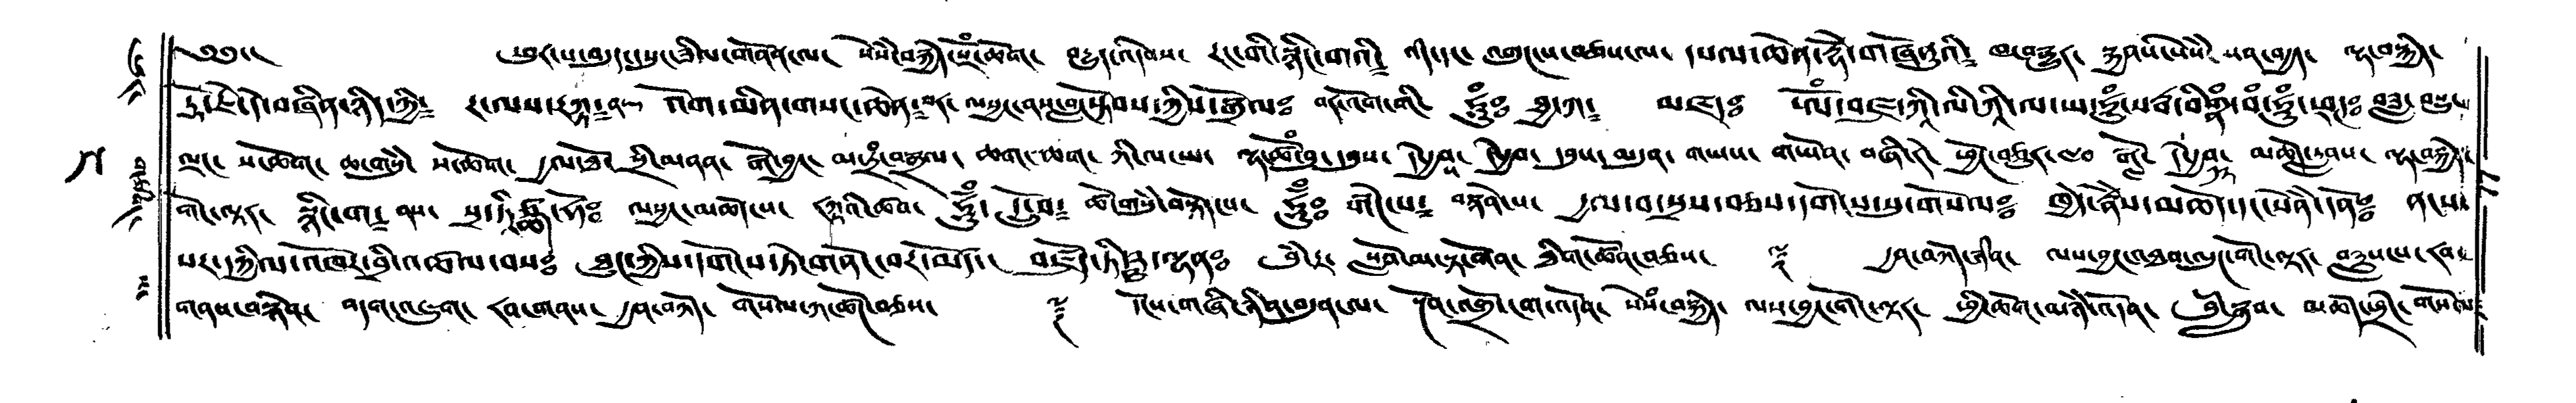ཕུར་པ་བདུད་དཔུང་ཟིལ་གནོན་ལ། སེམས་བསྐྱེད་སྡོམ་ཆོག བརྒྱུད་འདེབས། རང་གི་སྙིང་གའི༴ འདི་དང་། འགུགས་པ་བཅས་ལ། དཔལ་ཆེན་རྡོ་རྗེ་གཞོན་ནུའི༴ ཁ་སྒྱུར། སྐྱབས་སེམས་ཡན་བརྒྱད། ལྷ་སྐྱེད ། 
རྡོ་རྗེ་དེ་བཞིན་ཉིད་ཀྱི༴ ར་ལས་རཀྟ༴ ནས། འོག་མིན་གསང་ཆེན༴ ལས་བྱང་བླང་། སྟོབས་ཀྱིས་སྒྲོལཿ བར་འོག་གི ཧཱུྃཿ ཐ་བྱ་ཀ༴ མཛད༔ ཨོཾ་བཛྲ་ཀཱི་ལི་ཀཱི་ལ་ཡ་ཧཱུྃ་སརྦ་བིགྣཾ་བཾ་ཧཱུྃ་ཕཊཿ བཟླ་བསྡུ་
ལྡང་། ས་ཆོག ཆ་གསུམ། ས་ཆོག རྒྱལ་ཐོ། སྲི་མནན། སྒོ་བྱང་། མ་ཏྲམ་བསྒྲལ། ཆག་ཆག ཀི་ལ་ཡ། ལྷ་ཚོམ་དབུས། དེ་རྒྱབ་ལྔ། དེ་རྒྱབ། དབུས་མདུན་གཡས་གཡོན་བཅས་སུ་བཞི་རེ། ཕྱོགས་བཅུར་བཞི་བཅུ། སྒོ་བཞི། དེ་རྒྱབ་བཅུ་གཉིས། མཆོད་རླབས། ལྷ་སྐྱེད་
གོང་ལྟར། སྙིང་ག༴ ནས། པྲ་ཏཱིཙྪ་ཧོཿ ལས་བྱང་མཆོད་པ། རཀྟའི་ཚབ། ཧཱུྃ། དངོས་གྲུབ༴ རྩ་གསུམ་བསྟོད་པ། ཧཱུྃཿ སྒེག་པ༴ བསྙེན་པ། རྒྱལ་བ་སྲས་བཅས་དགོངས་སུ་གསོལ༔ ཁྱེད་རྣམས་མཆོད་དང་སྙེན་པའི་དོན༔ ནངས་
པར་དཀྱིལ་འཁོར་བྲི་འཚལ་བསཿ ཐུགས་ཀྱིས་དགོངས་ཏེ་གནང་བར་མཛོད། བཛྲོད་ཏིཥྛ་ལྷནཿ བུམ་སྟ། སློབ་མ་སྟ་གོན། ཐིག་ཚོན་བཅས། ༈ རྒྱན་བཀོད་ཉིན། ལས་བྱང་འཐབ་ལུགས་གོང་ལྟར། བཟླས་པ་རབ་
གནས་བསྙེན། བདག་འཇུག རབ་གནས། རྒྱན་བཀོད། གསོལ་ཀ་ཚོགས་བཅས། ༈ དངོས་གཞི་ཉིན་བདུན་ལ། སྔོན་འགྲོ་ངག་འདོན། སེམས་བསྐྱེད། ལས་བྱང་གོང་ལྟར། ཕྱི་ཆོག་མཉམ་འདོན། བུམ་སྒྲུབ། མཆོད་ཕྲེང་། གསོལ་